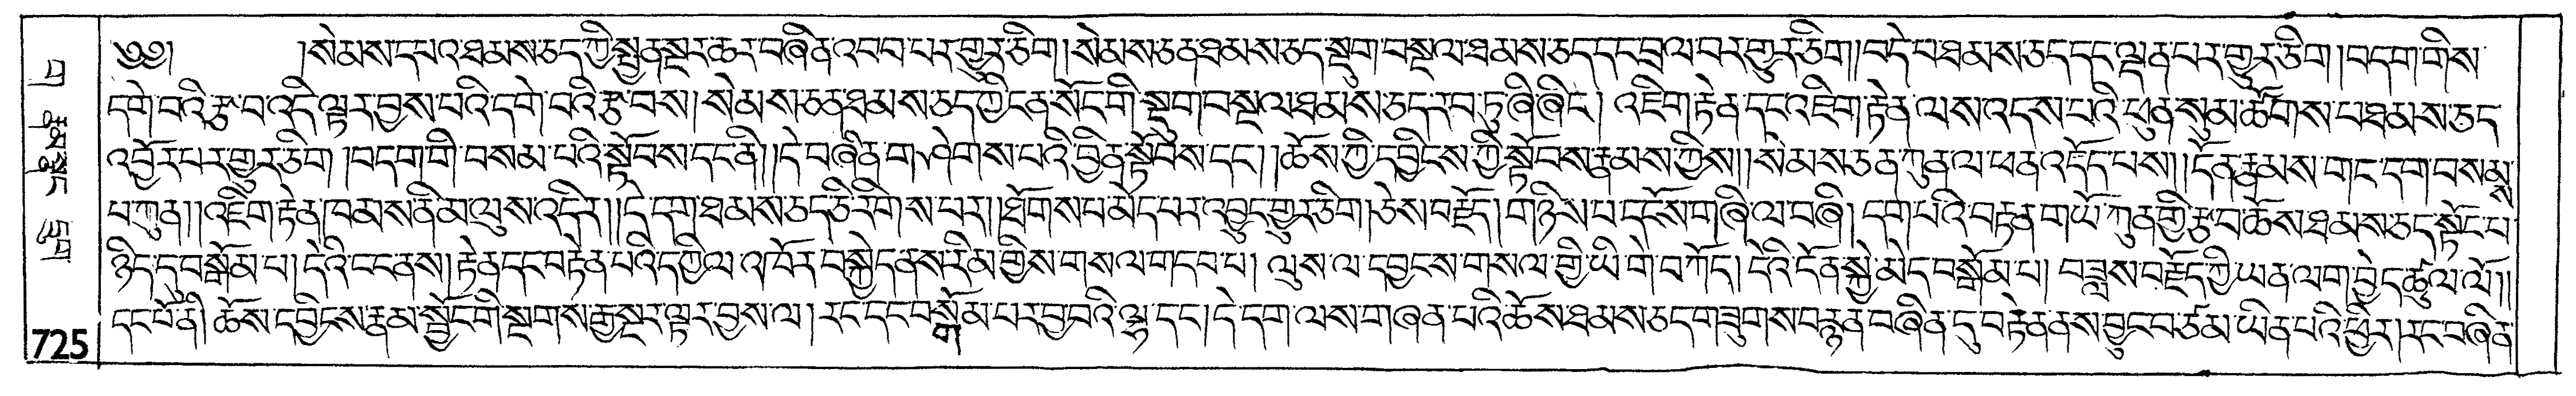༄༅། །སེམས་དཔའ་ཐམས་ཅད་ཀྱི་སྤྱན་སྔར་ཆར་བཞིན་འབབ་པར་གྱུར་ཅིག །སེམས་ཅན་ཐམས་ཅད་སྡུག་བསྔལ་ཐམས་ཅད་དང་བྲལ་བར་གྱུར་ཅིག །བདེ་བ་ཐམས་ཅད་དང་ལྡན་པར་གྱུར་ཅིག །བདག་གིས་
དགེ་བའི་རྩ་བ་འདི་ལྟར་བྱས་པའི་དགེ་བའི་རྩ་བས། སེམས་ཅན་ཐམས་ཅད་ཀྱི་ངན་སོང་གི་སྡུག་བསྔལ་ཐམས་ཅད་རབ་ཏུ་ཞི་ཞིང་། འཇིག་རྟེན་དང་འཇིག་རྟེན་ལས་འདས་པའི་ཕུན་སུམ་ཚོགས་པ་ཐམས་ཅད་
འབྱོར་པར་གྱུར་ཅིག །བདག་གི་བསམ་པའི་སྟོབས་དང་ནི། །དེ་བཞིན་གཤེགས་པའི་བྱིན་སྟོབས་དང་། །ཆོས་ཀྱི་དབྱིངས་ཀྱི་སྟོབས་རྣམས་ཀྱིས། །སེམས་ཅན་ཀུན་ལ་ཕན་འདོད་པས། །དོན་རྣམས་གང་དག་བསམས་
པ་ཀུན། །འཇིག་རྟེན་ཁམས་ནི་མ་ལུས་འདིར། །དེ་དག་ཐམས་ཅད་ཅི་རིགས་པར། །ཐོགས་པ་མེད་པར་འབྱུང་གྱུར་ཅིག །ཅེས་བརྗོད། གཉིས་པ་དངོས་གཞི་ལ་བཞི། དག་པའི་བརྟན་གཡོ་ཀུན་གྱི་རྩ་བ་ཆོས་ཐམས་ཅད་སྟོང་པ་
ཉིད་དུ་བསྒོམ་པ། དེའི་ངང་ནས། རྟེན་དང་བརྟེན་པའི་དཀྱིལ་འཁོར་བསྐྱེད་ནས་རིམ་གྱིས་གསལ་གདབ་པ། ལུས་ལ་དབྱངས་གསལ་གྱི་ཡི་གེ་བཀོད། དེའི་དོན་སྐྱེ་མེད་བསྒོམ་པ། བཟླས་བརྗོད་ཀྱི་ཡན་ལག་བྱེད་ཚུལ་ལོ།།
དང་པོ་ནི། ཆོས་དབྱིངས་རྣམ་སྦྱོང་གི་སྔགས་རྒྱ་སྔར་ལྟར་བྱས་ལ། རང་དང་བསྒོམ་པར་བྱ་བའི་ལྷ་དང་། དེ་དག་ལས་གཞན་པའི་ཆོས་ཐམས་ཅད་གཟུགས་བརྙན་བཞིན་དུ་བརྟེན་ནས་བྱུང་བ་ཙམ་ཡིན་པའི་ཕྱིར། རང་བཞིན་